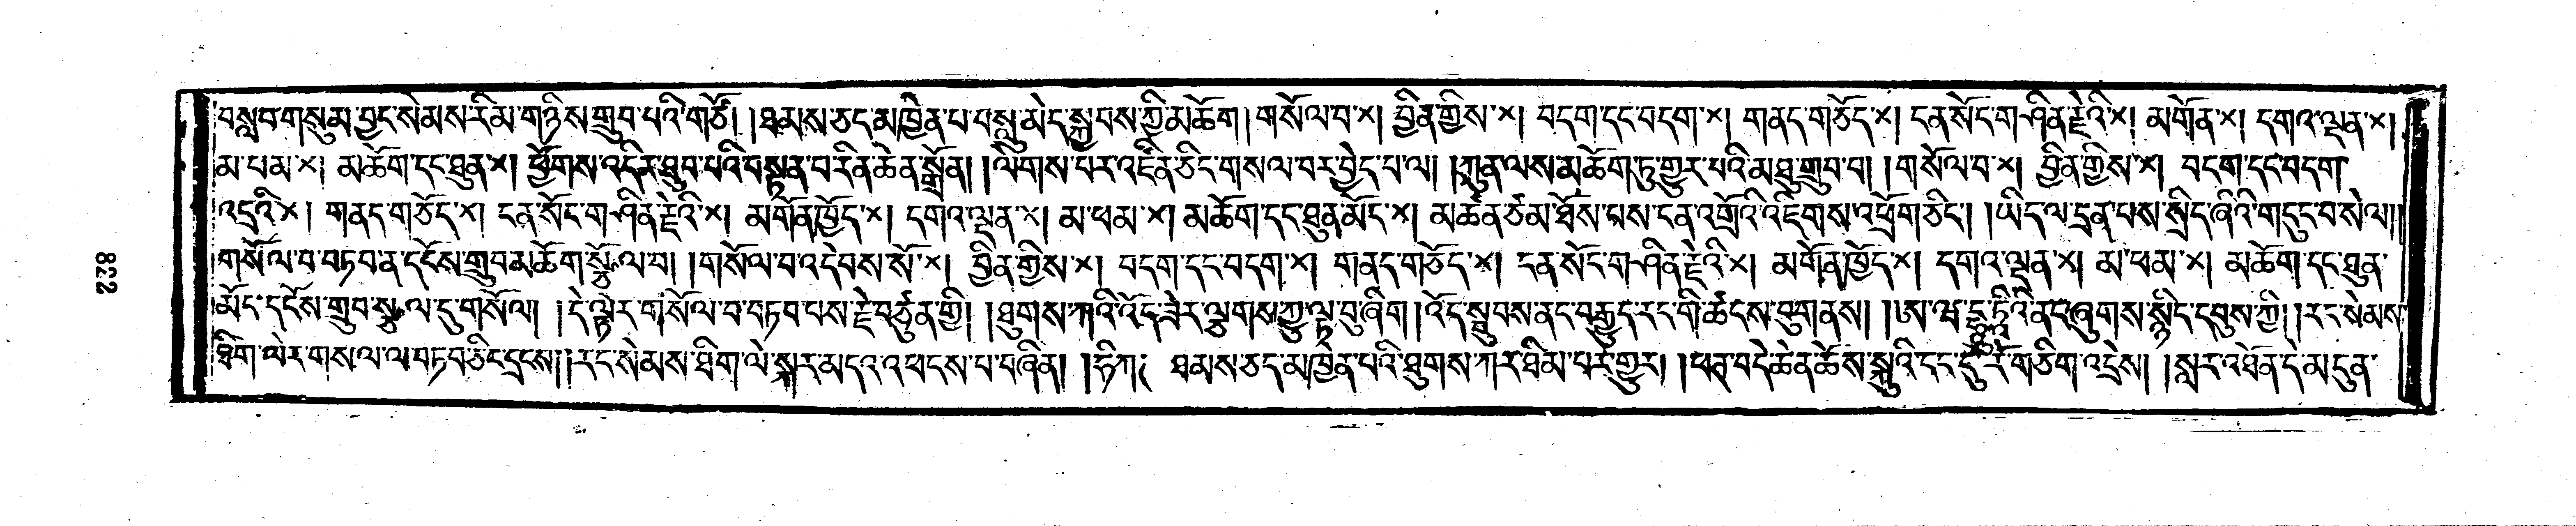བསླབ་གསུམ་བྱང་སེམས་རིམ་གཉིས་གྲུབ་པའི་གཙོ། །ཐམས་ཅད་མཁྱེན་པ་བསླུ་མེད་སྐྱབས་ཀྱི་མཆོག །གསོལ་བ་྾། བྱིན་གྱིས་྾། བདག་དང་བདག་྾། གནད་གཅོད་྾། ངན་སོང་གཤིན་རྗེའི་྾། མགོན་྾། དགའ་ལྡན་྾།
མ་ཕམ་྾། མཆོག་དང་ཐུན་྾། ཕྱོགས་འདིར་ཐུབ་པའི་བསྟན་པ་རིན་ཆེན་སྒྲོན། །ལེགས་པར་འཛིན་ཅིང་གསལ་བར་བྱེད་པ་ལ། །ཀུན་ལས་མཆོག་ཏུ་གྱུར་པའི་མཐུ་གྲུབ་པ། །གསོལ་བ་྾། བྱིན་གྱིས་྾། བདག་དང་བདག་
འདྲའི་྾། གནད་གཅོད་྾། ངན་སོང་གཤིན་རྗེའི་྾། མགོན་ཁྱོད་྾། དགའ་ལྡན་྾། མ་ཕམ་྾། མཆོག་དང་ཐུན་མོང་྾། མཚན་ཙམ་ཐོས་པས་ངན་འགྲོའི་འཇིགས་འཕྲོག་ཅིང་། །ཡིད་ལ་དྲན་པས་སྲིད་ཞིའི་གདུང་བ་སེལ།།
གསོལ་བ་བཏབ་ན་དངོས་གྲུབ་མཆོག་སྩོལ་བ། །གསོལ་བ་འདེབས་སོ་྾། བྱིན་གྱིས་྾། བདག་དང་བདག་྾། གནད་གཅོད་྾། ངན་སོང་གཤིན་རྗེའི་྾། མགོན་ཁྱོད་྾། དགའ་ལྡན་྾། མ་ཕམ་྾། མཆོག་དང་ཐུན་
མོང་དངོས་གྲུབ་སྩལ་དུ་གསོལ། །དེ་ལྟར་གསོལ་བ་བཏབ་པས་རྗེ་བཙུན་གྱི། །ཐུགས་ཀའི་འོད་ཟེར་ལྕགས་ཀྱུ་ལྟ་བུ་ཞིག །འོད་སྦུབས་ནང་བརྒྱུད་རང་གི་ཚངས་བུག་ནས། །ཨ་ཝ་དྷཱུ་ཏཱིའི་ནང་ཞུགས་སྙིང་དབུས་ཀྱི། །རང་སེམས་
ཐིག་ལེར་གསལ་ལ་བཏབ་ཅིང་དྲངས། །རང་སེམས་ཐིག་ལེ་སྐར་མདའ་འཕངས་པ་བཞིན། །ཧི་ཀ༑ ཐམས་ཅད་མཁྱེན་པའི་ཐུགས་ཀར་ཐིམ་པར་གྱུར། །ཕཊ་བདེ་ཆེན་ཆོས་སྐུའི་ངང་དུ་རོ་གཅིག་འདྲེས། །སླར་འཐོན་དེ་མདུན་